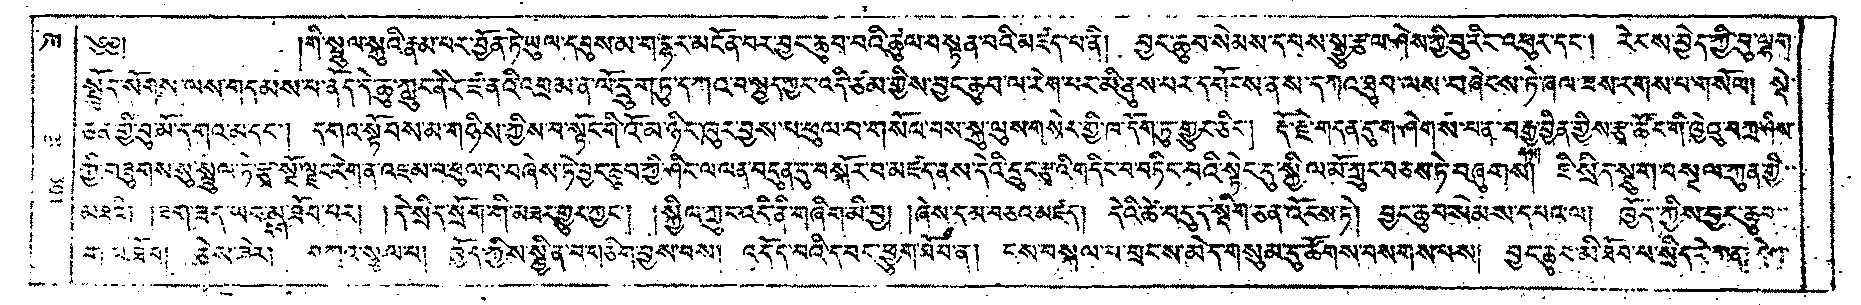༄༅། །གི་སྤྲུལ་སྐུའི་རྣམ་པར་བྱོན་ཏེ་ཡུལ་དབུས་མ་ག་དྷར་མངོན་པར་བྱང་ཆུབ་པའི་ཚུལ་བསྟན་པའི་མཛད་པ་ནི། བྱང་ཆུབ་སེམས་དཔས་སྒྱུ་རྩལ་ཤེས་ཀྱི་བུ་རིང་འཕུར་དང་། རེངས་བྱེད་ཀྱི་བུ་ལྷག་
སྤྱོད་སོགས་ལས་གདམས་པ་ནོད་དེ་ཆུ་ཀླུང་ནཻར་ཛ་ནའི་འགྲམ་ན་ལོ་དྲུག་ཏུ་དཀའ་བ་སྤྱད་ཀྱང་འདི་ཙམ་གྱིས་བྱང་ཆུབ་ལ་རེག་པར་མི་ནུས་པར་དགོངས་ནས་དཀའ་ཐུབ་ལས་བཞེངས་ཏེ་ཞལ་ཟས་རགས་པ་གསོལ། སྡེ་
ཅན་གྱི་བུ་མོ་དགའ་མ་དང་། དགའ་སྟོབས་མ་གཉིས་ཀྱིས་བ་སྟོང་གི་འོ་མ་ཉིང་ཁུར་བྱས་པ་ཕུལ་བ་གསོལ་བས་སྐུ་ལུས་གསེར་གྱི་ཁ་དོག་ཏུ་གྱུར་ཅིང་། རྡོ་རྗེ་གདན་དུ་གཤེགས་པ་ན་བརྒྱ་བྱིན་གྱིས་རྩྭ་ཚོང་གི་ཁྱེའུ་བཀྲ་ཤིས་
ཀྱི་གཟུགས་སུ་སྤྲུལ་ཏེ་རྩྭ་སྔོ་ལྗང་རེག་ན་འཇམ་པ་ཕུལ་བ་བཞེས་ཏེ་བྱང་ཆུབ་ཀྱི་ཤིང་ལ་ལན་བདུན་དུ་བསྐོར་བ་མཛད་ནས་དེའི་དྲུང་རྩྭའི་གདིང་བ་བཏིང་བའི་སྟེང་དུ་སྐྱིལ་མོ་ཀྲུང་བཅས་ཏེ་བཞུགས་ནས། ཇི་སྲིད་སྡུག་བསྔལ་ཀུན་གྱི་
མཐའི། །ཟག་ཟད་ཡང་དག་མ་ཐོབ་པར། །དེ་སྲིད་སྲོག་གི་མཐར་གྱུར་ཀྱང་། །སྐྱིལ་ཀྲུང་འདི་ནི་གཞིག་མི་བྱ། །ཞེས་དམ་བཅའ་མཛད། དེའི་ཚེ་བདུད་སྡིག་ཅན་འོངས་ཏེ། བྱང་ཆུབ་སེམས་དཔའ་ལ། ཁྱོད་ཀྱིས་བྱང་ཆུབ་
ག་ལ་ཐོབ། ཅེས་ཟེར། བཀའ་སྩལ་པ། ཁྱོད་ཀྱིས་སྦྱིན་པ་གཅིག་བྱས་པས། འདོད་པའི་དབང་ཕྱུག་ཐོབ་ན། ངས་བསྐལ་པ་གྲངས་མེད་གསུམ་དུ་ཚོགས་བསགས་པས། བྱང་ཆུབ་མི་ཐོབ་པ་སྲིད་རེ་ཀན། དེས་